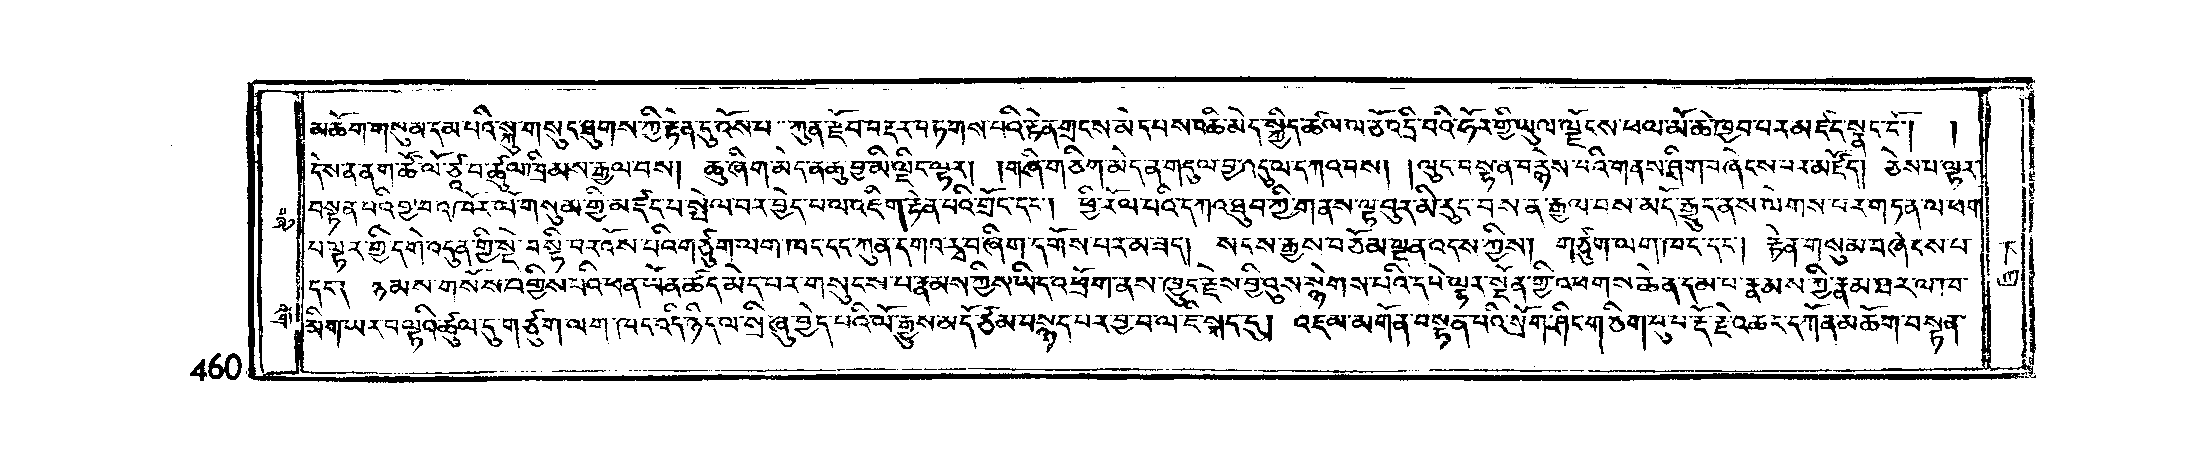མཆོག་གསུམ་དམ་པའི་སྐུ་གསུང་ཐུགས་ཀྱི་རྟེན་དུ་འོས་པ་ཀུན་རྫོབ་བརྡར་བཏགས་པའི་རྟེན་གྲངས་མེད་པས་འཆི་མེད་སྐྱིད་ཚལ་ལ་ཅོ་འདྲི་བའི་ཧོར་གྱི་ཡུལ་ལྗོངས་ཕལ་མོ་ཆེ་ཁྱབ་པར་མཛད་སྣང་ངོ། །
དེས་ན་ནག་ཚོ་ལོ་ཙཱ་བ་ཚུལ་ཁྲིམས་རྒྱལ་བས། ཆུ་ཞིག་མེད་ན་ཆུ་བྱ་མི་ལྡིང་ལྟར། །གཞི་གཅིག་མེད་ན་གདུལ་བྱ་འདུལ་དཀའ་བས། །ལུང་བསྟན་བརྙེས་པའི་གནས་ཤིག་བཞེངས་པར་མཛོད། ཅེས་པ་ལྟར་
བསྟན་པའི་བྱ་བ་འཁོར་ལོ་གསུམ་གྱི་མཛད་པ་སྤེལ་བར་བྱེད་པ་ལ་འཇིག་རྟེན་པའི་གྲོང་དང་། ཕྱི་རོལ་པའི་དཀའ་ཐུབ་ཀྱི་གནས་ལྟ་བུར་མི་རུང་བས་ན་རྒྱལ་བས་མདོ་རྒྱུད་ནས་ལེགས་པར་གཏན་ལ་ཕབ་
པ་ལྟར་གྱི་དགེ་འདུན་གྱི་སྡེ་བསྟི་བར་འོས་པའི་གཙུག་ལག་ཁང་དང་ཀུན་དགའ་རྭ་བ་ཞིག་དགོས་པར་མ་ཟད། སངས་རྒྱས་བཅོམ་ལྡན་འདས་ཀྱིས། གཙུག་ལག་ཁང་དང་། རྟེན་གསུམ་བཞེངས་པ་
དང་། ཉམས་གསོས་བགྱིས་པའི་ཕན་ཡོན་ཚད་མེད་པར་གསུངས་པ་རྣམས་ཀྱིས་ཡིད་འཕྲོག་ནས་ཁྱུང་རྗེས་བྱིའུས་སྙེགས་པའི་དཔེ་ལྟར་སྔོན་གྱི་འཕགས་ཆེན་དམ་པ་རྣམས་ཀྱི་རྣམ་ཐར་ལ་ཁ་
མིག་ཡ་ལྟའི་ཚུལ་དུ་གཙུག་ལག་ཁང་འདི་ཉིད་ལ་སྲི་ཞུ་བྱེད་པའི་ལོ་རྒྱུས་མདོ་ཙམ་བསྙད་པར་བྱ་བ་ལ་ཇི་སྐད་དུ། འཇམ་མགོན་བསྟན་པའི་སྲོག་ཤིང་གཅིག་པུར་རྡོ་རྗེ་འཆང་དཀོན་མཆོག་བསྟན་